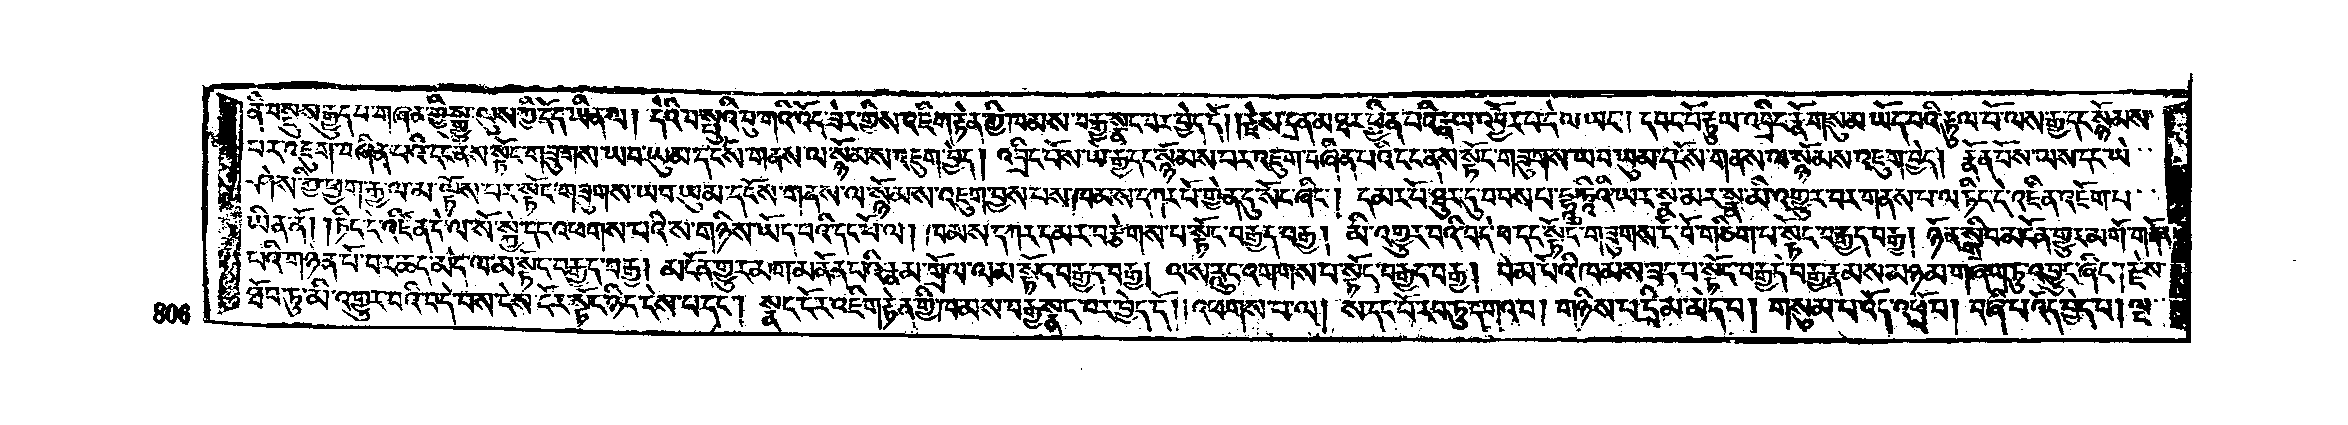ནི་བསྡུས་རྒྱུད་པ་གཞན་གྱི་ལུས་ཀྱི་དོད་ཡིན་ལ། དེའི་བ་སྤུའི་བུ་གའི་འོད་ཟེར་གྱིས་འཇིག་རྟེན་གྱི་ཁམས་བརྒྱ་སྣང་བར་བྱེད་དོ། །རྗེས་དྲན་མཐར་ཕྱིན་པའི་རྣལ་འབྱོར་པ་དེ་ལ་ཡང་། དབང་པོ་རྟུལ་འབྲིང་རྣོ་གསུམ་ཡོད་པའི་རྟུལ་པོ་ལས་རྒྱ་དང་སྙོམས་
པར་འཇུག་བཞིན་པའི་ངང་ནས་སྟོང་གཟུགས་ཡབ་ཡུམ་དངོས་གནས་ལ་སྙོམས་འཇུག་བྱེད། འབྲིང་པོས་ཡེ་རྒྱ་དང་སྙོམས་པར་འཇུག་བཞིན་པའི་ངང་ནས་སྟོང་གཟུགས་ཡབ་ཡུམ་དངོས་གནས་ལ་སྙོམས་འཇུག་བྱེད། རྣོན་པོས་ལས་དང་ཡེ་
ཤེས་ཀྱི་ཕྱག་རྒྱ་ལ་མ་ལྟོས་པར་སྟོང་གཟུགས་ཡབ་ཡུམ་དངོས་གནས་ལ་སྙོམས་འཇུག་བྱས་པས་ཁམས་དཀར་པོ་གྱེན་དུ་སོང་ཞིང་། དམར་པོ་ཐུར་དུ་བབས་པ་དྷཱུ་ཏཱིའི་ཡར་སྣ་མར་སྣ་མི་འགྱུར་བར་གནས་པ་ལ་ཏིང་ངེ་འཛིན་འཇོག་པ་
ཡིན་ནོ། །ཏིང་ངེ་འཛིན་དེ་ལ་སོ་སྐྱེ་དང་འཕགས་པའི་ས་གཉིས་ཡོད་པའི་དང་པོ་ལ། ཁམས་དཀར་དམར་བརྩེགས་པ་སྟོང་བརྒྱད་བརྒྱ། མི་འགྱུར་བའི་བདེ་བ་དང་སྟོང་གཟུགས་ངོ་བོ་གཅིག་པ་བརྒྱད་བརྒྱ། ཉོན་སྒྲིབ་མངོན་གྱུར་མགོ་གནོན་
པའི་གཉེན་པོ་བར་ཆད་མེད་ལ་མ་སྟོང་བརྒྱད་བརྒྱ། མངོན་གྱུར་མག་མནོན་པའི་རྣམ་གྲོལ་ལམ་སྟོང་བརྒྱད་བརྒྱ། ལས་རླུང་འགགས་པ་སྟོང་བརྒྱད་བརྒྱ། བེམ་པོའི་ཁམས་ཟད་པ་སྟོང་བརྒྱད་དེ་བརྒྱ་རྣམས་མཉམ་གཞག་ཏུ་འབྱུང་ཞིང་། རྗེས་
ཐོབ་ཏུ་མི་འགྱུར་བའི་བདེ་བས་ངེས་ངོར་སྟོང་ཉིད་ངེས་པ་དང་། སྣང་ངོར་འཇིག་རྟེན་གྱི་ཁམས་བརྒྱ་སྣང་བར་བྱེད་དོ། །འཕགས་པ་ལ། ས་དང་པོ་རབ་ཏུ་དགའ་བ། གཉིས་པ་དྲི་མ་མེད་པ། གསུམ་པ་འོད་འཕྲོ་བ། བཞི་པ་འོད་བྱེད་པ། ལྔ་